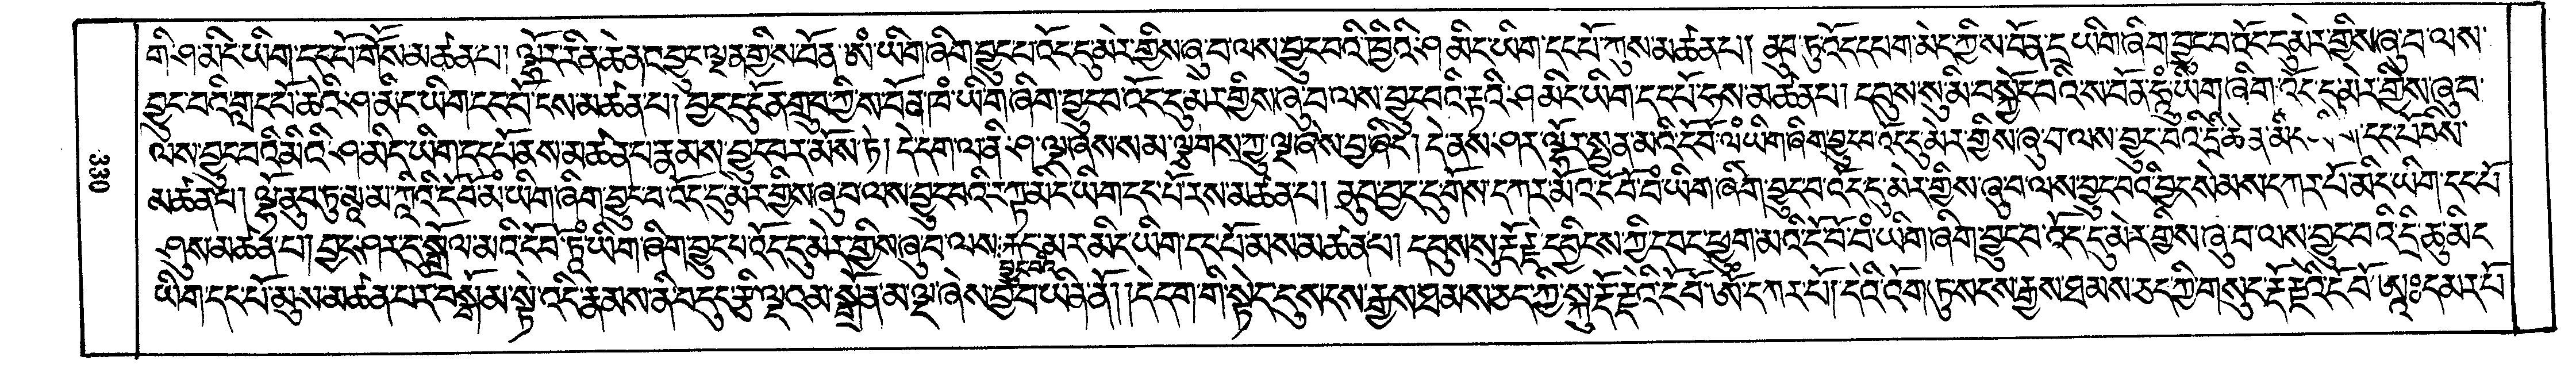མི་ཤ་མིང་ཡིག་དང་པོ་གཽས་མཚན་པ། ལྷོར་རིན་ཆེན་འབྱུང་ལྡན་གྱི་ས་བོན་ཨཾ་ཡིག་ཞིག་བྱུང་བ་འོད་དུ་མེར་གྱིས་ཞུ་བ་ལས་བྱུང་བའི་ཁྱིའི་ཤ་མིང་ཡིག་དང་པོ་ཀུས་མཚན་པ། ནུབ་ཏུ་འོད་དབག་མེད་ཀྱི་ས་བོན་ཛྲ་ཡིག་ཞིག་བྱུང་བ་འོད་དུ་མེད་གྱིས་ཞུ་བ་ལས་
བྱུང་བའི་གླང་པོ་ཆེའི་ཤ་མིང་ཡིག་དང་པོ་ངས་མཚན་པ། བྱང་དུ་དོན་གྲུབ་ཀྱི་ས་བོན་ཁཾ་ཡིག་ཞིག་བྱུང་བ་འོད་དུ་མེར་གྱིས་ཞུ་བ་ལས་བྱུང་བའི་རྟའི་ཤ་མིང་ཡིག་དང་པོ་ཧས་མཚན་པ། དབུས་སུ་མི་བསྐྱོང་པའི་ས་བོན་ཧཱུཾ་ཡིག་ཞིག་འོང་དུ་མེར་གྱིས་ཞུ་བ་
ལས་བྱུང་བའི་མིའི་ཤ་མིང་ཡིག་དང་པོ་ནས་མཚན་པ་རྣམས་བྱུང་བར་མོས་ཏེ། དེ་དག་ལ་ནི་ཤ་ལྔ་ཞེས་སམ་ལྕགས་ཀྱུ་ལྔ་ཞེས་བྱ་ཞིང་། དེ་ནས་ཤར་ལྷོར་སྤྱན་མའི་ངོ་བོ་ལཾ་ཡིག་ཞིག་བྱུང་བ་འོད་དུ་མེར་གྱིས་ཞུ་བ་ལས་བྱུང་བའི་དྲི་ཆེན་མིང་ཡིག་དང་པོ་བིས་
མཚན་པ། ལྷོ་ནུབ་ཏུ་མཱ་མ་ཀིའི་ངོ་བོ་མཾ་ཡིག་ཞིག་བྱུང་བ་འོང་དུ་མེར་གྱིས་ཞུ་བ་ལས་བྱུང་བའི་རཀྟ་མིང་ཡིག་དང་པོར་ས་མཚན་པ། ནུབ་བྱང་དུ་གོས་དཀར་མོའི་ངོ་བོ་པཾ་ཡིག་ཞིག་བྱུང་བ་འོང་དུ་མེར་གྱིས་ཞུ་བ་ལས་བྱུང་བའི་བྱང་སེམས་དཀར་བོ་མིང་ཡིག་དང་པོ་
ཤུས་མཚན་པ། བྱང་ཤར་དུ་སྒྲོལ་མའི་ངོ་བོ་ཏཱ་ཡིག་ཞིག་བྱུང་བ་འོང་དུ་མེར་གྱིས་ཞུ་བ་ལས་བྱུང་བ་རྐང་མར་མིང་ཡིག་དང་པོ་མས་མཚན་པ། དབུས་སུ་རྡོ་རྗེ་དབྱིངས་ཀྱི་དབང་ཕྱུག་མའི་ངོ་བོ་བཾ་ཡི་ག་ཞིག་བྱུང་བ་འོད་དུ་མེར་གྱིས་ཞུ་བ་ལས་བྱུང་བའི་དྲི་ཆུ་མིང་
ཡིག་དང་པོ་མུས་མཚན་པར་བསྒོམ་སྟེ་འདི་རྣམས་ནི་བདུད་རྩི་ལྔའམ་སྒྲོན་མ་ལྔ་ཞེས་བྱ་བ་ཡིན་ནོ། །དེ་དག་གི་སྟེང་དུ་སངས་རྒྱས་ཐམས་ཅད་ཀྱི་སྐུ་རྡོ་རྗེའི་ངོ་བོ་ཨོཾ་དཀར་པོ། དེའི་འོག་ཏུ་སངས་རྒྱས་ཐམས་ཅད་ཀྱི་གསུང་རྡོ་རྗེའི་ངོ་བོ་ཨཱཿ དམར་པོ།